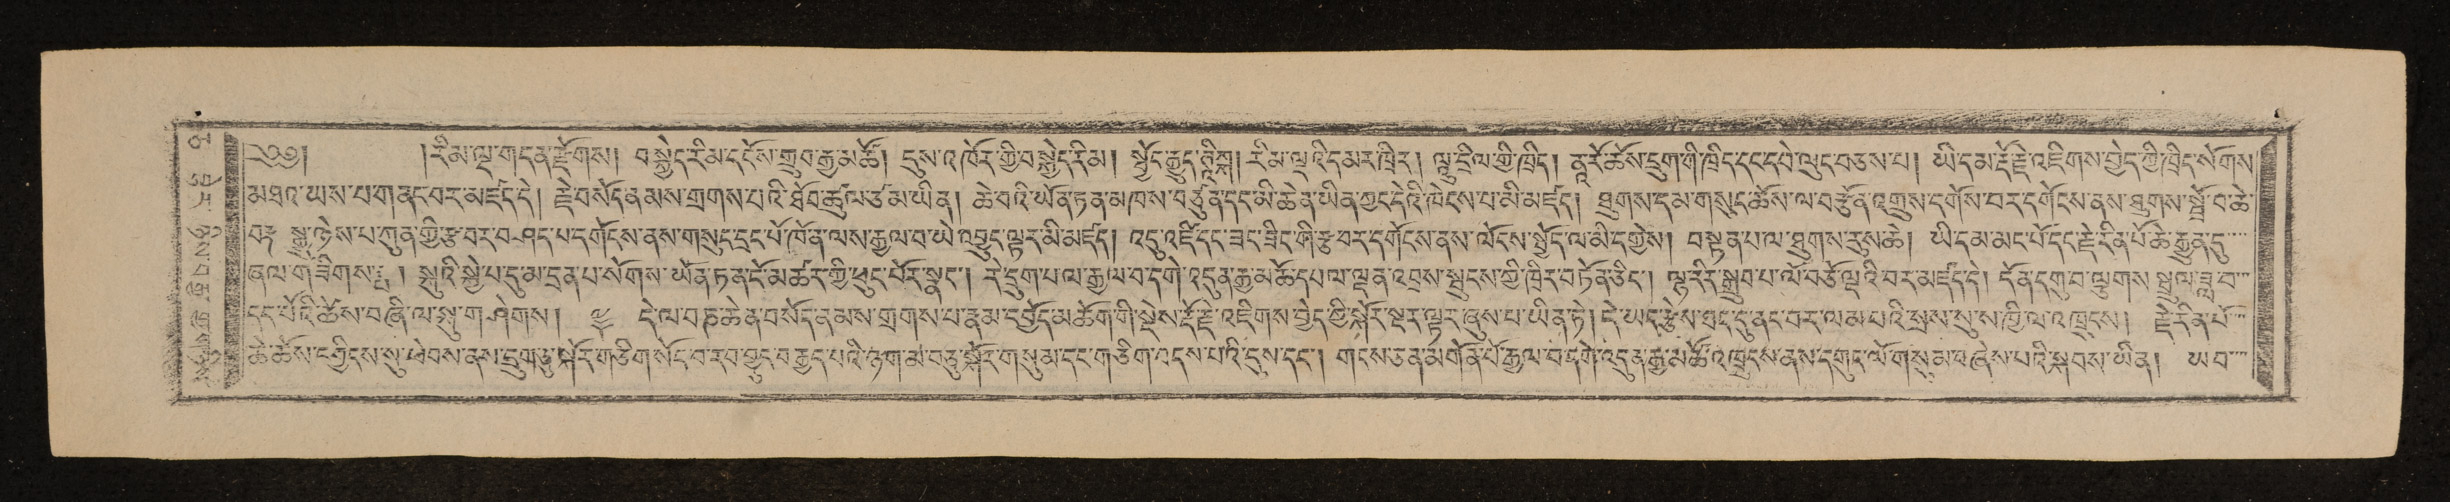༄༅། །རིམ་ལྔ་གདན་རྫོགས། བསྐྱེད་རིམ་དངོས་གྲུབ་རྒྱ་མཚོ། དུས་འཁོར་གྱི་བསྐྱེད་རིམ། སྦྱོང་རྒྱུད་ཊཱིཀྐ། རིམ་ལྔའི་དམར་ཁྲིད། ལཱུ་དྲིལ་གྱི་ཁྲིད། ནཱ་རོ་ཆོས་དྲུག་གི་ཁྲིད་དང་དཔེ་ལུང་བཅས་པ། ཡི་དམ་རྡོ་རྗེ་འཇིགས་བྱེད་ཀྱི་ཁྲིད་སོགས་
མཐའ་ཡས་པ་གནང་བར་མཛད་དེ། རྗེ་བསོད་ནམས་གྲགས་པའི་ཐོབ་ཚུལ་ཙམ་ཡིན། ཆེ་བའི་ཡོན་ཏན་མཁས་བཙུན་དང་མི་ཆེན་ཡིན་ཀྱང་དེའི་ཁེངས་པ་མི་མཛད། ཐུགས་དམ་གསུང་ཆོས་ལ་བརྩོན་འགྲུས་དགོས་པར་དགོངས་ནས་ཐུགས་སྤྲོ་བ་ཆེ་
བ༑ སྒྱུ་ཉེས་པ་ཀུན་གྱི་རྩ་བར་བཤད་པ་དགོངས་ནས་གསུང་དྲང་པོ་ཁོ་ན་ལས་རྒྱལ་བ་ཡེ་འབྱུང་ལྟར་མི་མཛད། འདུ་འཛི་དང་ཟང་ཟིང་གི་རྩ་བར་དགོངས་ནས་ལོངས་སྤྱོད་ལ་མི་དབྱེས། བསྟན་པ་ལ་ཐུགས་རུས་ཆེ། ཡི་དམ་མང་པོ་དང་རྗེ་རིན་པོ་ཆེ་རྒྱུན་དུ་
ཞལ་གཟིགས་པ། སྐུའི་སྐྱེ་པ་དུ་མ་དྲན་པ་སོགས་ཡོན་ཏན་ངོ་མཚར་གྱི་ཕུང་པོར་སྣང་། རེ་དྲུག་པ་ལ་རྒྱལ་བ་དགེ་འདུན་རྒྱ་མཚོ་དཔལ་ལྡན་འབྲས་སྤུངས་ཀྱི་ཁྲིར་བཏོན་ཅིང་། ལྷ་རིང་སྒྲུབ་པ་ལོ་བཅོ་ལྔའི་བར་མཛད་དེ། དོན་དགུ་པ་ལྕགས་སྤྲུལ་ཟླ་བ་
དང་པོའི་ཚེས་བཞི་ལ་སྐུ་གཤེགས། ༈ དེ་ལ་པཎ་ཆེན་བསོད་ནམས་གྲགས་པ་རྣམ་དཔྱོད་མཆོག་གི་སྡེས་རྡོ་རྗེ་འཇིགས་བྱེད་ཀྱི་སྐོར་སྔར་ལྟར་ཞུས་པ་ཡིན་ཏེ། དེ་ཡང་རྩེས་ཐང་དུ་ནང་བར་ལམ་པའི་སྲས་སུས་ཁྱིལ་འཁྲུངས། རྗེ་རིན་པོ་
ཆེ་ཆོས་དབྱིངས་སུ་ཕེབས་ནས་དྲུག་ཅུ་སྐོར་གཅིག་སོང་བ་རབ་བྱུང་བརྒྱད་པའི་ཉག་མ་བཅུ་སྐོར་གསུམ་དང་གཅིག་འདས་པའི་དུས་དང་། གངས་ཅན་མགོན་པོ་རྒྱལ་བ་དགེ་འདུན་རྒྱ་མཚོ་འཁྲུངས་ནས་དགུང་ལོ་གསུམ་བཞེས་པའི་སྐབས་ཡིན། ཡབ་